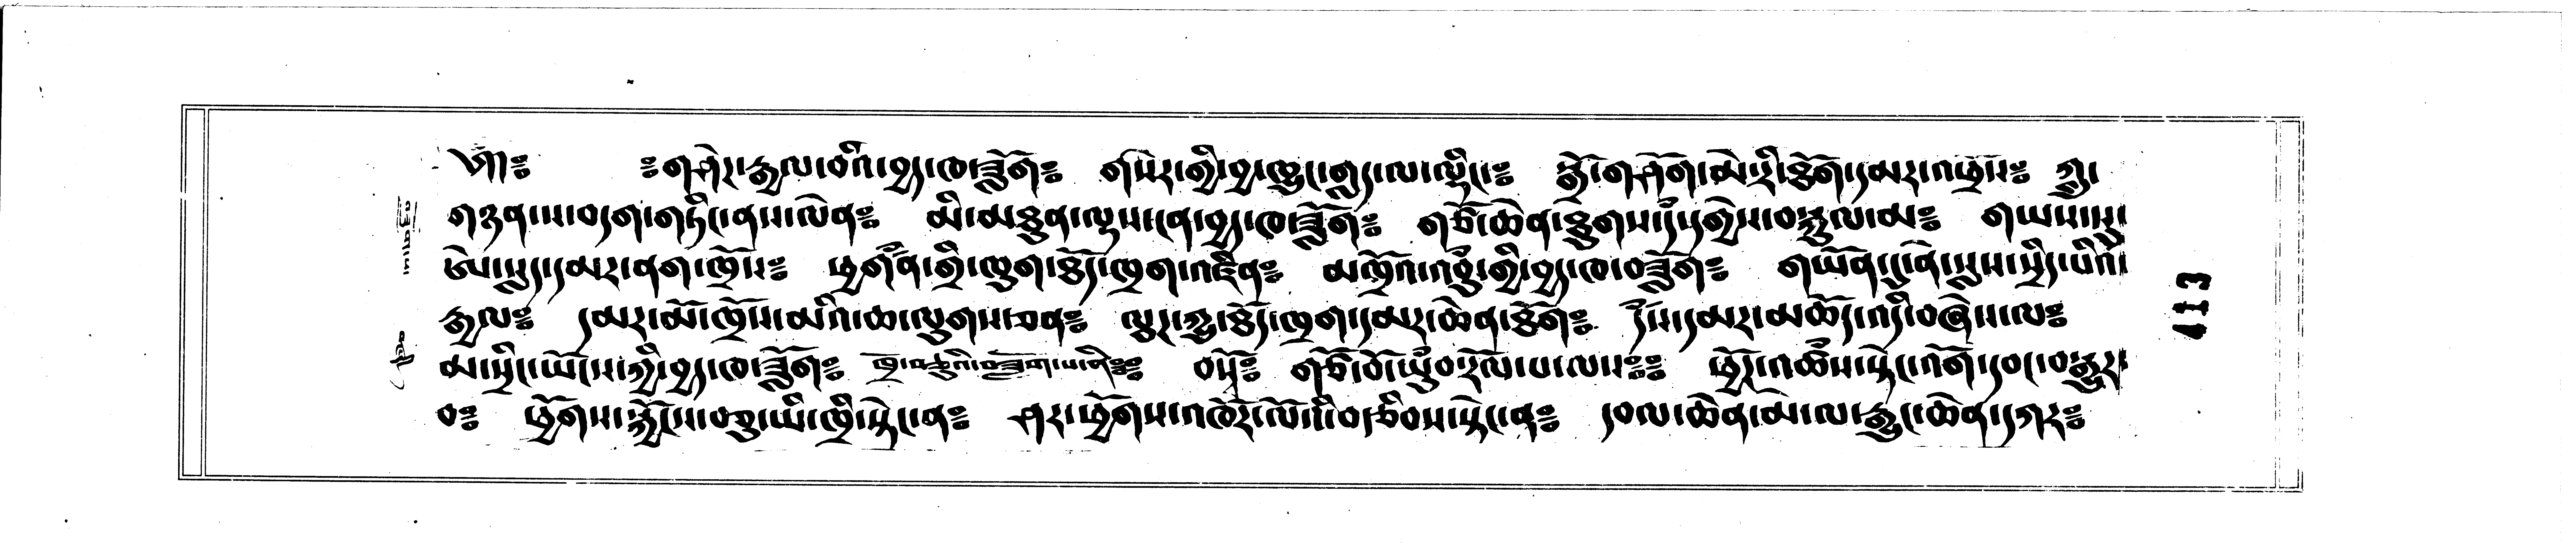༔གཤེགས་རྒྱལ་བའི་བྱད་ཁ་ཟློག༔གསེར་གྱི་བྱ་ཁྱུང་གླད་ལ་ལྡིང་༔སྒྲོ་གཤོག་མེ་རི་ཐོག་དམར་འཕྲོས༔ཀླུ་
གཉན་ས་བདག་གཏིང་ནས་ལེན༔མི་མཐུན་ལྟས་ངན་བྱད་ཁ་ཟློག༔གཙོ་ཆེན་ཐུགས་དམ་དགྱེས་བསྐུལ་མ༔གཡས་སུ་
ཨེ་སླད་དམར་ནག་ཁྲོས༔ཕྱག་མཚན་གྲི་ཁུག་ཐོད་ཁྲག་འཛིན༔མཁའ་འགྲོ་འབུམ་གྱི་བྱད་ཁ་བཟློག༔གཡོན་དུ་ནེ་སླས་སྲིད་པའི་
རྒྱལ༔དམར་མོ་ཁྲོས་མའི་ཆ་ལུགས་ཅན༔ལྕགས་ཀྱུ་ཐོད་ཁྲག་དམར་ཆེན་ཐོག༔དམ་རྫས་དམར་མཆོད་འདི་བཞེས་ལ༔
མ་སྲིང་ཡོངས་ཀྱི་བྱད་ཁ་ཟློག༔ཁྲོ་བཅུའི་བཟློག་པ་ནི༔བསྭོ༔གཙོ་བོ་ཡབ་ཡུམ་རོལ་པ་ལས༔༔ཕྱོགས་འཚམས་སྟེང་འོག་དབང་བསྒྱུར་
བ༔ཕྱོགས་སྐྱོངས་བཅུ་ཡི་ཁྲི་སྟེང་ན༔ཤར་ཕྱོགས་འཁོར་ལོའི་རྩིབས་སྟེང་ན༔དབལ་ཆེན་མེ་ལ་རྒྱུང་ཆེན་དཀར༔